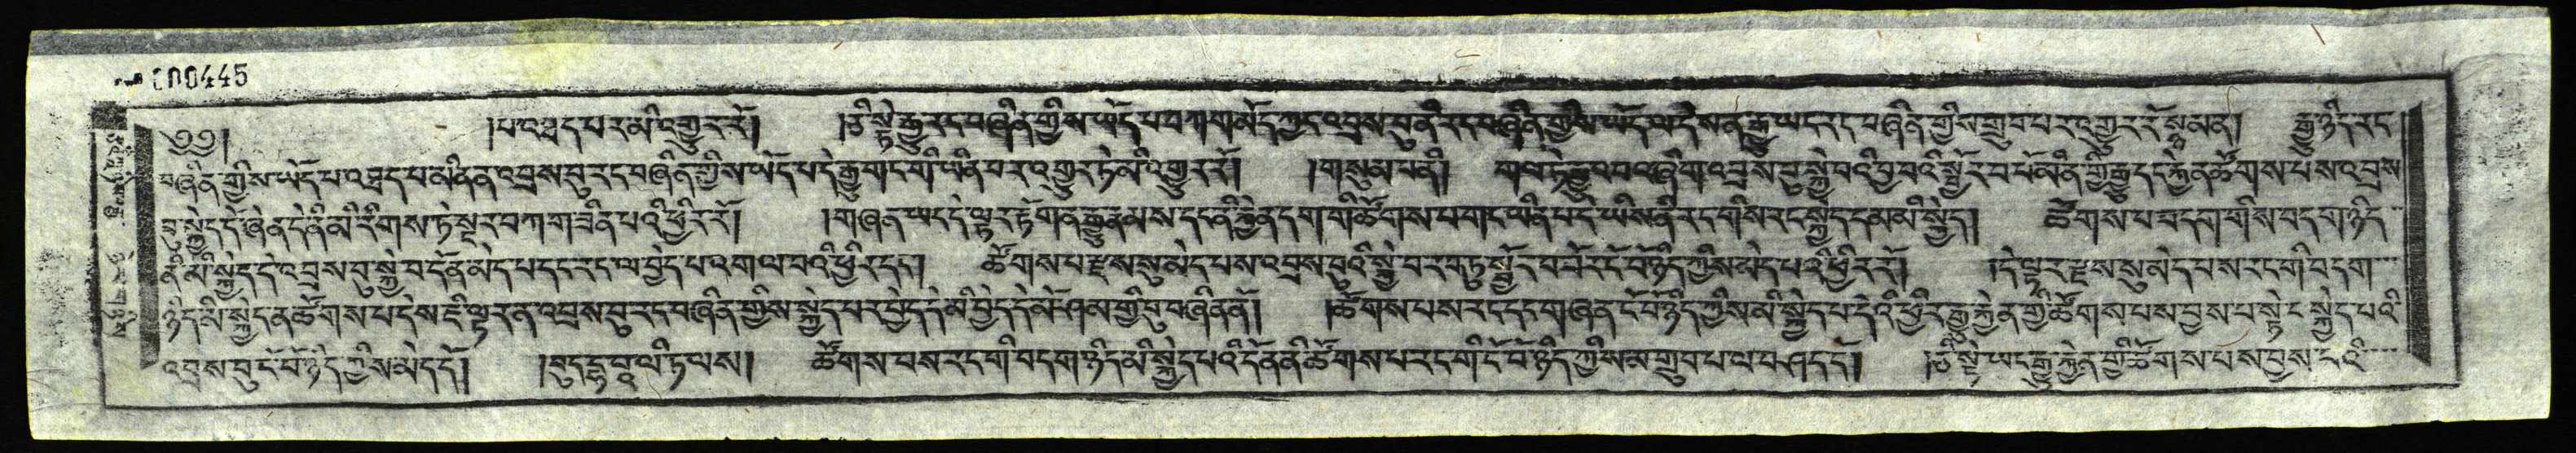༄༅། །པ་འཐད་པར་མི་འགྱུར་རོ། །ཅི་སྟེ་རྒྱུ་རང་བཞིན་གྱིས་ཡོད་པ་བཀག་མོད་ཀྱང་འབྲས་བུ་ནི་རང་བཞིན་གྱིས་ཡོད་ལ་དེས་ན་རྒྱུ་ཡང་རང་བཞིན་གྱིས་གྲུབ་པར་འགྱུར་རོ་སྙམ་ན། རྒྱུ་ཉིད་རང་
བཞིན་གྱིས་ཡོད་པ་འཐད་པ་མིན་ན་འབྲས་བུ་རང་བཞིན་གྱིས་ཡོད་པ་དེ་རྒྱུ་གང་གི་ཡིན་པར་འགྱུར་ཏེ་མི་འགྱུར་རོ། །གསུམ་པ་ནི། གལ་ཏེ་རྒྱུ་འབའ་ཞིག་འབྲས་བུ་སྐྱེ་བའི་བྱ་བའི་སྦྱོར་བ་པོ་མིན་གྱི་རྒྱུ་དང་རྐྱེན་ཚོགས་པས་འབྲས་
བུ་སྐྱེད་དོ་ཞེན་དེ་ནི་མི་རིགས་ཏེ་སྔར་བཀག་ཟིན་པའི་ཕྱིར་རོ། །གཞན་ཡང་དེ་ལྟར་རྟོག་ན་རྒྱུ་རྣམས་དང་ནི་རྐྱེན་དག་གི་ཚོགས་པ་གང་ཡིན་པ་དེ་ཡིས་ནི་རང་གིས་རང་སྐྱེད་དམ་མི་སྐྱེད། ཚོགས་པ་བདག་གིས་བདག་ཉིད་
ནི་མི་སྐྱེད་དེ་འབྲས་བུ་སྐྱེ་བ་དོན་མེད་པ་དང་རང་ལ་བྱེད་པ་འགལ་བའི་ཕྱིར་དང་། ཚོགས་པ་རྫས་སུ་མེད་པས་འབྲས་བུའི་སྐྱེ་བ་རབ་ཏུ་སྦྱོར་བ་པོར་ངོ་བོ་ཉིད་ཀྱིས་མེད་པའི་ཕྱིར་རོ། །དེ་ལྟར་རྫས་སུ་མེད་པས་རང་གི་བདག་
ཉིད་མི་སྐྱེད་ན་ཚོགས་པ་དེས་ཇི་ལྟར་ན་འབྲས་བུ་རང་བཞིན་གྱིས་སྐྱེད་པར་བྱེད་དེ་མི་བྱེད་དེ་མོ་ཤམ་གྱི་བུ་བཞིན་ནོ། །ཚོགས་པས་རང་དང་གཞན་ངོ་བོ་ཉིད་ཀྱིས་མི་སྐྱེད་པ་དེའི་ཕྱིར་རྒྱུ་རྐྱེན་གྱི་ཚོགས་པས་བྱས་པ་སྟེ་བསྐྱེད་པའི་
འབྲས་བུ་ངོ་བོ་ཉིད་ཀྱིས་མེད་དོ། །བུད་དྷ་པཱ་ལི་ཏ་ལས། ཚོགས་པས་རང་གི་བདག་ཉིད་མི་སྐྱེད་པའི་དོན་ནི་ཚོགས་པ་རང་གི་ངོ་བོ་ཉིད་ཀྱིས་མ་གྲུབ་པ་ལ་བཤད་དོ། །ཅི་སྟེ་ཡང་རྒྱུ་རྐྱེན་གྱི་ཚོགས་པས་བྱས་པའི་